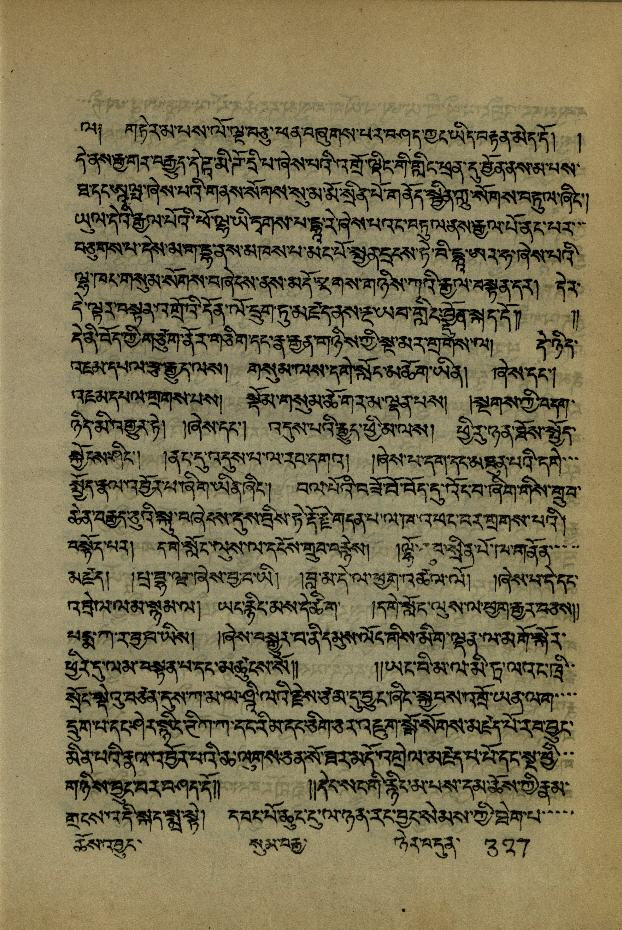ལ༑ གཏེར་མ་པས་ལོ་ལྔ་བཅུ་ཕན་བཞུགས་པར་བཤད་ཀྱང་ཡིད་བརྟན་མེད་དོ། །
དེ་ནས་རྒྱ་གར་བརྒྱུད་དེ་ཌཱ་མི་ཌོ་དྲི་པ་ཞེས་པའི་འགྲོ་ལྡིང་གི་གླིང་ཕྲན་དུ་བྱོན་ནས་མ་པས་
ཐ་དང་ཨཱལྤ་ཞེས་པའི་གནས་སོགས་སུ་མ་མོ་སྲིན་པོ་གནོད་སྦྱིན་ཀླུ་སོགས་བཏུལ་ཞིང་།
ཡུལ་དེའི་རྒྱལ་པོའི་ཕོ་ལྷ་ཡི་དྭགས་པ་དྷཱ་རེ་ཞེས་པའང་བཏུལ་ནས་རྒྱལ་པོ་ནང་པར་
བཅུགས་པ་དེས་མ་ག་དྷ་ནས་མཁས་པ་མང་པོ་སྤྱན་དྲངས་ཏེ་བི་དྷཱ་ཨར་ཧ་ཞེས་པའི་
ལྷ་ཁང་གསུམ་སོགས་བཞེངས་ནས་མདོ་སྔགས་གཉིས་ཀའི་རྒྱལ་བསྟན་དར། དེར་
དེ་ལྟར་བསྟན་འགྲོའི་དོན་ལོ་དྲུག་ཏུ་མཛད་ནས་རྔ་ཡབ་གླིང་དུ་བྱོན་སྐད་དོ།། །།
དེ་ནི་བོད་ཀྱི་གཙུག་ནོར་གཅིག་དང་རྣ་རྒྱན་གཉིས་ཀྱི་སྔ་མར་གྲགས་ལ། དེ་ཉིད་
འཇམ་དཔལ་རྩ་རྒྱུད་ལས། གསུམ་ལས་དགེ་སློང་མཆོག་ཡིན། ཞེས་དང་།
འཇམ་དཔལ་གྲགས་པས། སྡོམ་གསུམ་ཆོ་གར་མ་ལྡན་པས། །སྔགས་ཀྱི་བདག་
ཉིད་མི་འགྱུར་ཏེ། །ཞེས་དང་། འདུས་པའི་རྒྱུད་ཕྱི་མ་ལས། ཕྱི་རུ་ཉན་ཐོས་སྤྱོད་
སྐྱོངས་ཤིང་། །ནང་དུ་འདུས་པ་ལ་རབ་དགའ། །ཞེས་པ་དག་དང་མཐུན་པའི་དགེ་
སྤྱོད་རྣལ་འབྱོར་པ་ཞིག་ཡིན་ཞིང་། བལ་པོའི་བཟོ་བོ་བོད་དུ་འོང་བ་ཞིག་གིས་གྲུབ་
ཆེན་བརྒྱད་ཅུའི་སྐུ་བཞེངས་དུས་བྲིས་ཏེ་རྡོ་རྗེ་གདན་པ་ལ་ཁ་འཕང་བར་གྲགས་པའི།
བསྟོད་པར། དགེ་སློང་ལུས་ལ་དངོས་གྲུབ་བརྙེས། །ལྷོ་ནུབ་སྲིན་པོ་ཁ་གནོན་
མཛད། །པྲ་བྷ་ཝ་ཞེས་བྱ་བ་ཡི། །བླ་མ་དེ་ལ་ཕྱག་འཚལ་ལོ། །ཞེས་པ་དེ་དང་
འབྲེལ་ལམ་སྙམ་ལ། ཡང་རྙིང་མས་དེ་ཚིག །དགེ་སློང་ལུས་ལ་ཕྱག་རྒྱར་བཅས།།
པདམ་ཀ་ར་བྱ་བ་ཡིས། །ཞེས་བསྒྱུར་བ་ནི་དམུས་ལོང་གིས་མིག་ལྡན་ལ་མགོ་སྐོར་
ཕྱིར་དུ་ལམ་བསྟན་པ་དང་མཚུངས་སོ།། །།ཡང་བི་མ་ལ་མི་ཏྲ་ལའང་ཁྲི་
སྲོང་སྡེའུ་བཙན་དུས་ཀ་མ་ལ་ཤྲཱི་ལའི་རྗེས་ཙམ་དུ་བྱུང་ཞིང་སྐྱབས་འགྲོ་ཡན་ལག་
དྲུག་པ་དང་ཤེར་སྙིང་ཊིཀ་ཀ་དང་རིམ་དང་ཅིག་ཅར་འཇུག་སྒོ་སོགས་མཛད་པོ་རབ་བྱུང་
མིན་པའི་རྣལ་འབྱོར་པའི་ཆ་ལུགས་ཅན་སོ་ཐར་མདོ་འགྲེལ་མཛད་པ་པོ་དང་སྔ་ཕྱི་
གཉིས་བྱུང་བར་བཤད་དོ།། །།དེང་སང་གི་རྙིང་མ་པས་དམ་ཆོས་ཀྱི་རྣམ་
གྲངས་འདི་སྐད་སྨྲ་སྟེ། དབང་པོ་ཆུང་ངུ་ལ་ཉན་རང་བྱང་སེམས་ཀྱི་ཐེག་པ་